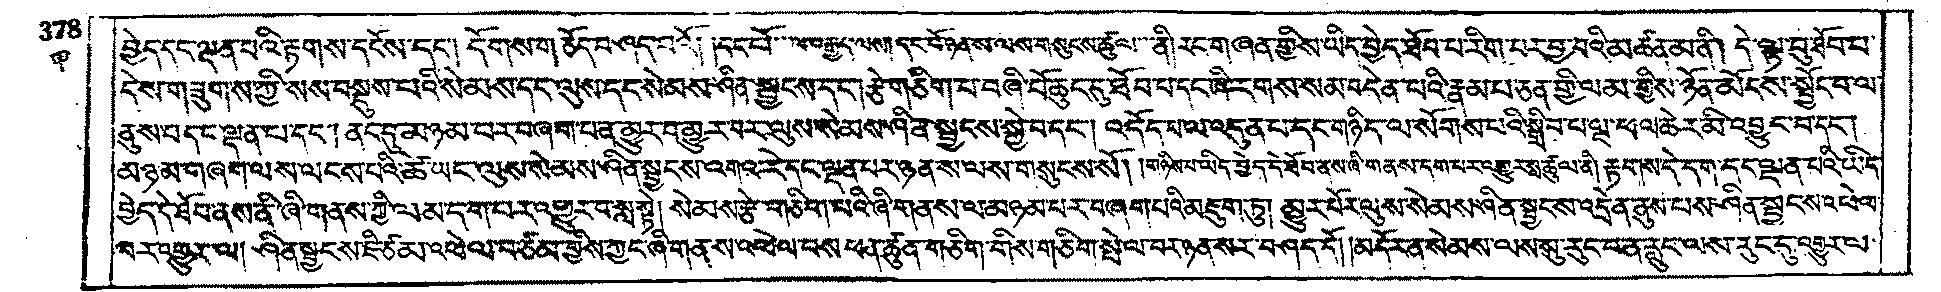བྱེད་དང་ལྡན་པའི་རྟགས་དངོས་དང་། དོགས་གཅོད་བཤད་པའོ། །དང་པོལ་བརྒྱད་ལས། དང་པོ་ཉན་ས་ལས་གསུངས་ཚུལནི། རང་གཞན་གྱིས་ཡིད་བྱེད་ཐོབ་པ་རིག་པར་བྱ་བའི་མཚན་མ་ནི། དེ་ཏ་བུ་ཐོབ་པ་
དེས་གཟུགས་ཀྱི་ལས་བསྡུས་པའི་སེམས་དང་ལུས་དང་སེམས་ཤིན་སྦྱངས་དང་། རྩེ་གཅིག་པ་བཞི་པོ་ཆུང་དུ་ཐོབ་པ་དང་ཞི་རགས་སམ་བདེན་པའི་རྣམ་པ་ཅན་གྱི་ལམ་གྱིས་ཉོན་མོངས་སྦྱོང་བ་ལ་
ནུས་པ་དང་ལྡན་པ་དང་། ནང་བུ་མཉམ་པར་བཞག་པ་ན་མྱུར་བ་མྱུར་བར་ལུས་སེམས་ཤིན་སྦྱངས་སྐྱེ་བ་དང་། འདོད་པ་ལ་འདུན་པ་དང་གཉིད་ལ་སོགས་པའི་སྒྲིབ་པ་ལྔ་ཕལ་ཆེར་མི་འབྱུང་བ་དང་།
མཉམ་གཞག་ལས་ལགས་པའི་ཚེ་ཡང་ལུས་སེམས་ཤིན་སྦྱངས་འགའ་རེ་དང་ལྡན་པར་ཉན་ས་ལས་གསུངས་སོ། །གཉིས་པ་ཡིད་བྱེད་དེ་ཐོབ་ནས་ཞི་གནས་དག་པར་འགྱུར་སླ་ཚུལ་ནི།  རྟགས་དེ་དག་དང་ལྡན་པའི་ཡིད་
བྱེད་དེ་ཐོབ་ནས་ནི་ཞི་གནས་ཀྱི་ལམ་དག་པར་འགྱུར་བ་སླ་སྟེ། སེམས་རྩེ་གཅིག་པའི་ཞི་གནས་ལ་མཉམ་པར་བཞག་པའི་མཇུག་ཏུ། མྱུར་པོར་ལུས་སེམས་ཤིན་སྦྱངས་འདྲེན་ནུས་པས་ཤིན་སྦྱངས་འཕེལ་
བར་འགྱུར་ལ། ཤིན་སྦྱངས་ཇི་ཙམ་འཕེལ་བ་ཙམ་གྱིས་ཀྱང་ཞི་གནས་འཕེལ་བས་ཕན་ཚུན་གཅིག་གིས་གཅིག་སྤེལ་བར་ཉན་སར་བཤད་དོ། །མདོར་ན་སེམས་ལས་སུ་རུང་བ་ན་རླུང་ལས་རུང་དུ་འགྱུར་ལ་